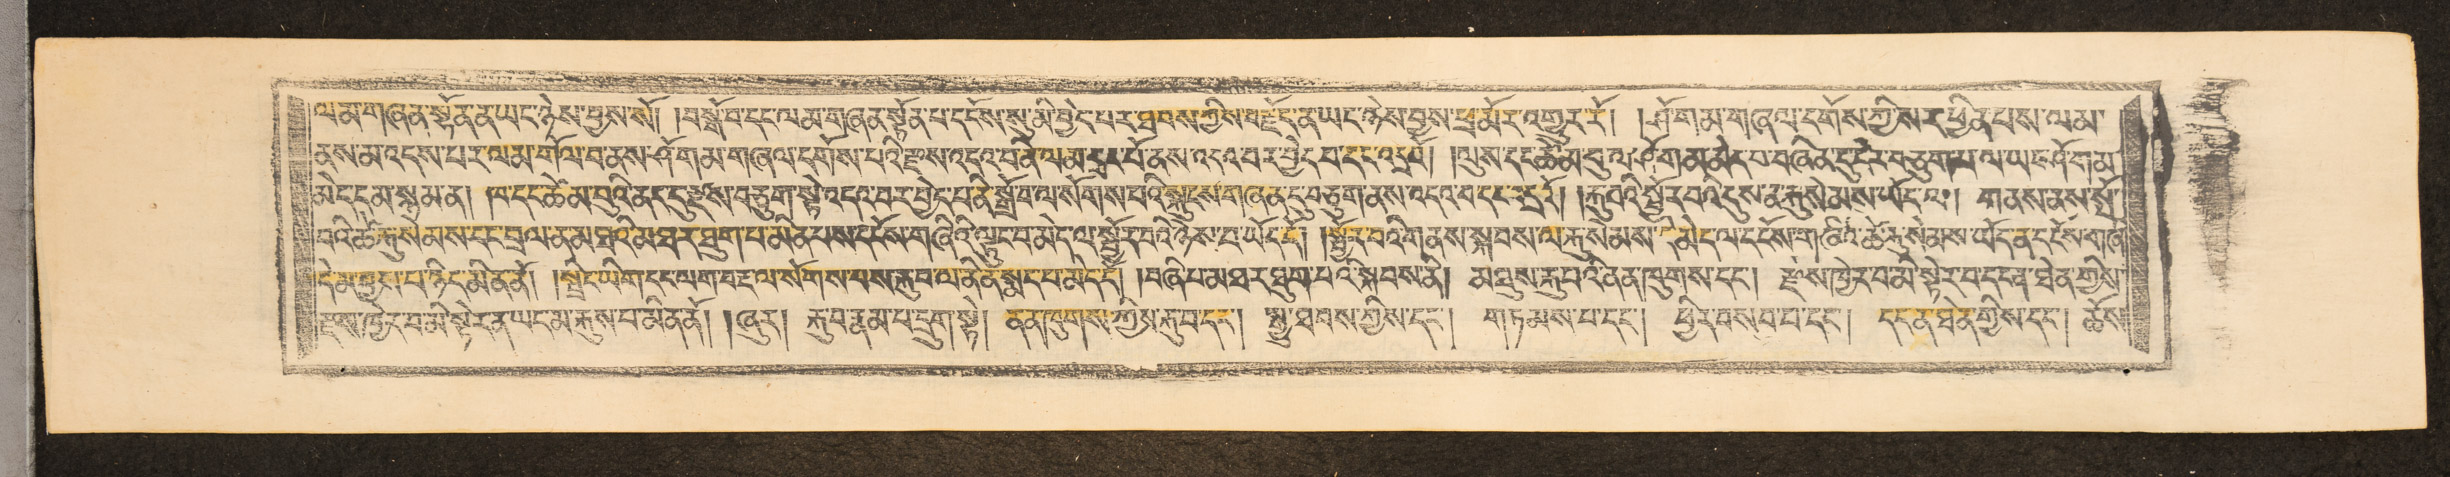ལམ་གཞན་སྟོན་ན་ཡང་ཉེས་བྱས་སོ། །བསྒོ་བ་དང་ལ་མ་གཞན་སྟོན་པ་དངོས་སུ་མི་བྱེད་པར་ཐབས་ཀྱིས་བརྗོད་ན་ཡང་ཉེས་བྱས་ཕྲ་མོར་འགྱུར་རོ། །ཤོ་གམ་གཞལ་དགོས་ཀྱི་སར་ཕྱིན་པས་ལམ་
ནས་མ་འདས་པར་ལམ་གོལ་བ་ནས་ཤོ་གམ་གཞལ་དགོས་པའི་རྫས་འདའ་བ་ནི་ལམ་དྲང་པོ་ནས་འདའ་བར་བྱེད་པ་དང་འདྲའོ། །ལུས་དང་ཚེམ་བུ་ལ་ཤོ་གམ་མེད་པ་བཞིན་དུ་དེར་བཅུག་པ་ལ་ཡང་ཤོ་གམ་མེད་
དམ་སྙམ་ན། ཁ་དང་ཚེམ་བུའི་ནང་དུ་རྗས་བཅུག་སྟེ་འདའ་བར་བྱེད་པ་ནི་སྒྲོ་བ་ལ་སོགས་པའི་སྐུངས་གཞན་དུ་བཅུག་ནས་འདའ་བ་དང་འདྲའོ། །རྐུ་བའི་སྦྱོར་བའི་དུས་ན་རྐུ་སེམས་ཡོད་ལ། གནས་ནས་སྤོ་
བའི་ཚེ་རྐུ་སེམས་དང་བྲལ་ན་མཐའི་མཐར་ཐུག་པ་མིན་པས་དངོས་གཞིའི་ལྟུང་བ་མེད་ལ་སྦྱོར་བའི་ཉེས་པ་ཡོད་དོ། །སྦྱོར་བའི་གནས་སྐབས་ལ་རྐུ་སེམས་དེ་མེད་ལ་དངོས་གཞིའི་ཆེ་རྐུ་སེམས་ཡོད་ན་དངོས་གཞི་དེ་
མ་བྱས་པ་ཉིད་མིན་ནོ། །སྤྲིང་ཡིག་དང་ལག་བ་རྔ་ལ་སོགས་པས་རྐུ་བ་ལ་ན་ནི་སྨད་པ་མེད་དོ། །བཞི་པ་མཐར་ཐུག་པའི་སྐབས་ནི། མཐུས་རྐུ་བའི་ནན་ཁུགས་དང་། རྫས་ཁྱེར་པ་མི་སྟེར་བ་དང་ན་ཐེན་གྱིས་
རྫས་ཁྱེར་བ་མི་སྟེར་ན་ཡང་མ་རྐུས་པ་མིན་ནོ། །ཞུར། རྐུ་བ་རྣམ་པ་དྲུག་སྟེ། ནན་ཁུགས་ཀྱིས་རྐུ་བ་དང་། སྒྱུ་ཐབས་ཀྱིས་དང་། གཏམས་པ་དང་། ཕྱིར་བསབ་པ་དང་། དང་ན་ཐེན་གྱིས་དང་། ཆོས་